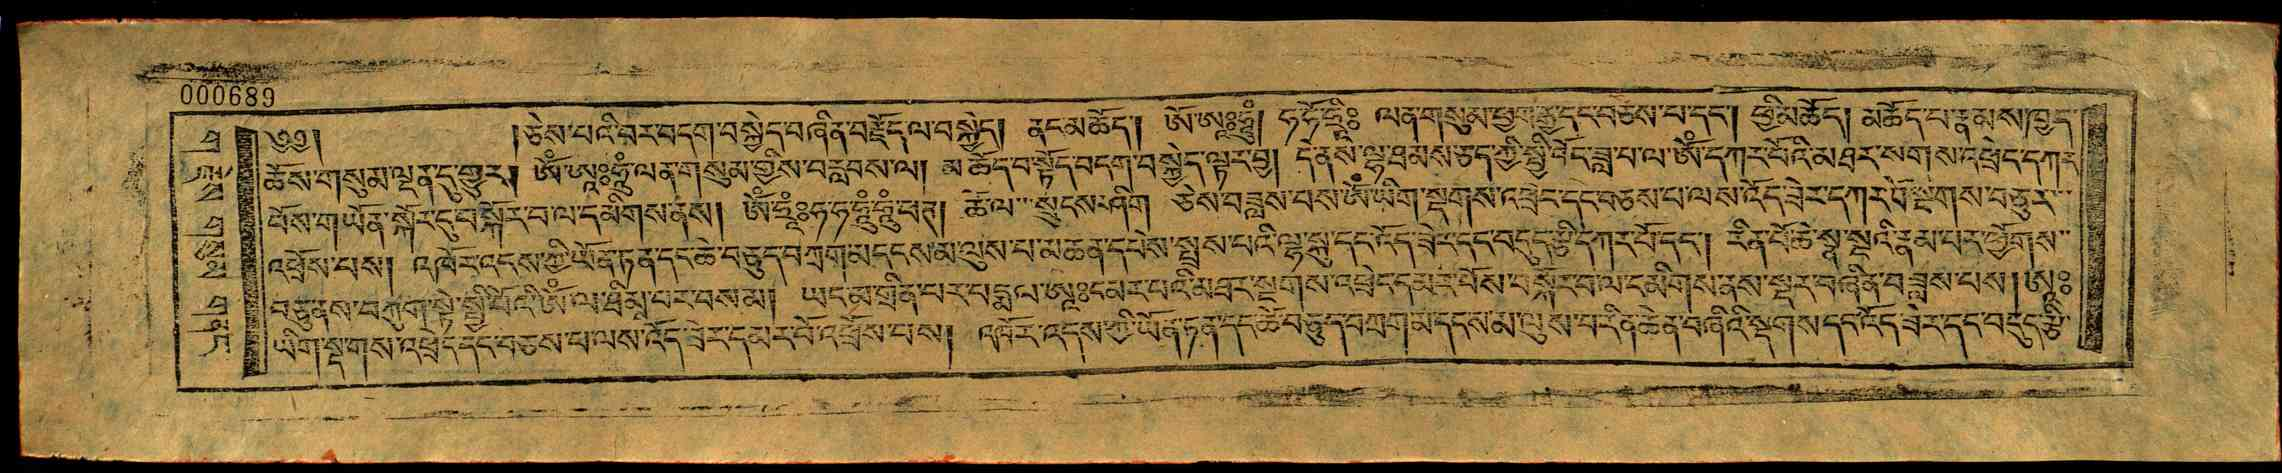༄༅། །ཅེས་པའི་བར་བདག་བསྐྱེད་བཞིན་བརྗོད་ལ་བསྐྱེད། ནང་མཆོད། ཨོཾ་ཨཱཿ ཧཱུཾ། ཧ་ཧོ་ཧྲཱིཿ ལན་གསུམ་ཕྱག་རྒྱ་དང་བཅས་པ་དང་། ཕྱི་མཆོད། མཆོད་པ་རྣམས་ཁྱད་
ཆོས་གསུམ་ལྡན་དུ་གྱུར། ཨོཾ་ཨཱཿ ཧཱུཾ་ལན་གསུམ་གྱིས་བརླབས་ལ། མཆོད་བསྟོད་བདག་བསྐྱེད་ལྟར་བྱ། དེ་ནས་ལྷ་ཐམས་ཅད་ཀྱི་སྤྱི་བོར་ཟླ་བ་ལ་ཨོཾ་དཀར་པོའི་མཐར་སྔགས་འཕྲེང་དཀར་
པོས་གཡོན་སྐོར་དུ་བསྐོར་བ་ལ་དམིགས་ནས། ཨོཾ་ཧྲཱིཿ ཧ་ཧ་ཧཱུཾ་ཧཱུཾ་ཕཊ། ཚེ་ལ་སྲུངས་ཤིག་ཅེས་བཟླས་པས་ཨོཾ་ཡིག་སྔགས་འཕྲེང་དང་བཅས་པ་ལས་འོད་ཟེར་དཀར་པོ་ཕྱོགས་བཅུར་
འཕྲོས་པས། འཁོར་འདས་ཀྱི་ཡོན་ཏན་དང་ཚེ་བཅུད་བཀྲག་མདངས་མ་ལུས་པ་མཚན་དཔེས་སྤྲོས་པའི་ལྷ་སྐུ་དང་འོད་ཟེར་དང་བདུད་རྩི་དཀར་པོ་དང་། རིན་པོ་ཆེ་སྣ་ལྔའི་རྣམ་པར་ཕྱོགས་
བཅུ་ནས་བཀུག་སྟེ་སྤྱི་བོའི་ཨོཾ་ལ་ཐིམས་པར་བསམ། ཡང་མགྲིན་པར་པདམ་ལ་ཨཱཿ དམར་བའི་མཐར་སྔགས་འཕྲེང་དམར་པོས་བསྐོར་བ་ལ་དམིགས་ནས་སྔར་བཞིན་བཟླས་པས། ཨཱཿ
ཡིག་སྔགས་འཕྲེང་དང་བཅས་པ་ལས་འོད་ཟེར་དམར་པོ་འཕྲོས་པས། འཁོར་འདས་ཀྱི་ཡོན་ཏན་དང་ཚེ་བཅུད་བཀྲག་མདངས་མ་ལུས་པ་རིན་ཆེན་བཞིའི་སྔགས་དང་འོད་ཟེར་དང་བདུད་རྩི་